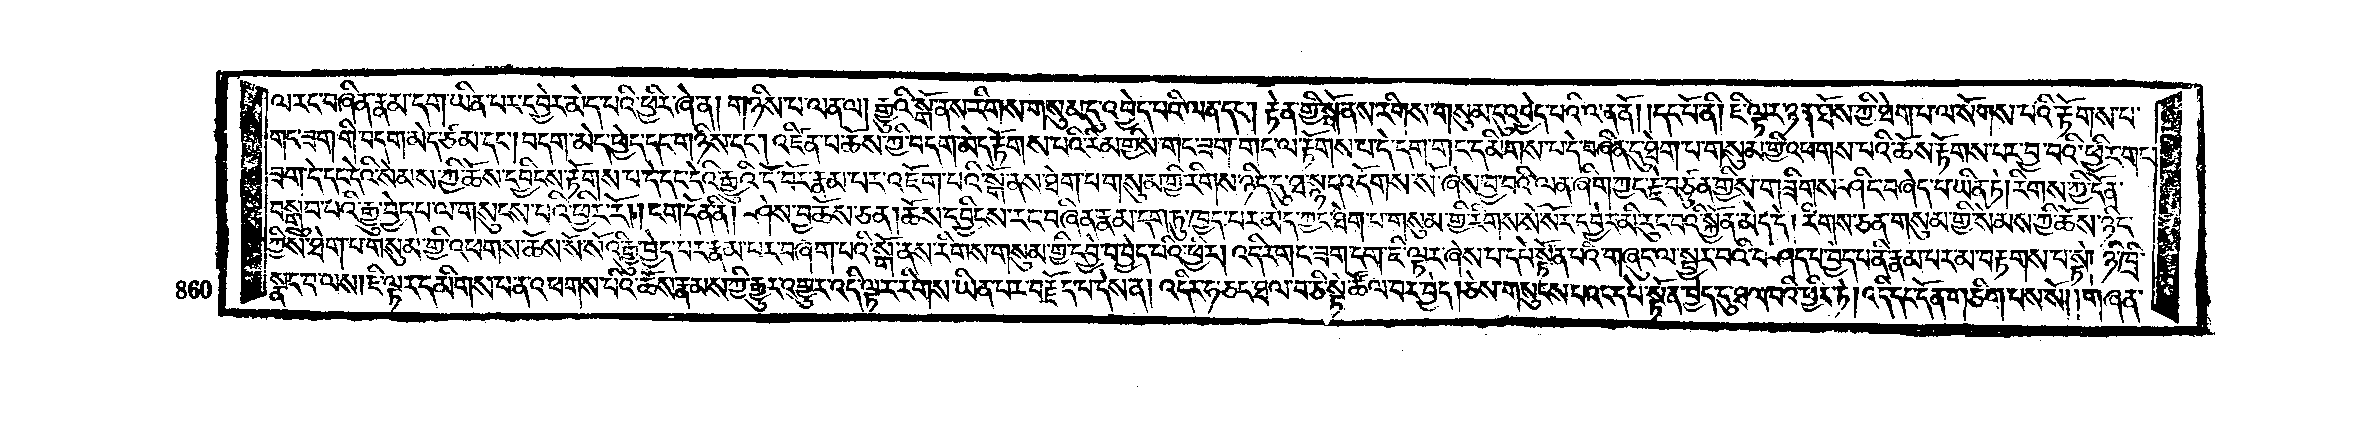ལ་རང་བཞིན་རྣམ་དག་ཡིན་པར་དབྱེར་མེད་པའི་ཕྱིར་ཞེ་ན། གཉིས་པ་ལན་ལ། རྒྱུའི་སྒོ་ནས་རིགས་གསུམ་དུ་འབྱེད་པའི་ལན་དང་། རྟེན་གྱི་སྒོ་ནས་རིགས་གསུམ་དུ་འབྱེད་པའི་ལན་ནོ། །དང་པོ་ནི། ཇི་ལྟར་ཉན་ཐོས་ཀྱི་ཐེག་པ་ལ་སོགས་པའི་རྟོགས་པ་
གང་ཟག་གི་བདག་མེད་ཙམ་དང་། བདག་མེད་ཕྱེད་དང་གཉིས་དང་། འཛིན་པ་ཆོས་ཀྱི་བདག་མེད་རྟོགས་པའི་རིམ་གྱིས་གང་ཟག་གང་ལ་རྟོགས་པ་དེ་དག་གནག་དམིགས་པ་དེ་བཞིན་དུ་ཐེག་པ་གསུམ་གྱི་འཕགས་པའི་ཆོས་རྟོགས་ཨཔར་བྱ་བཱཨི་ཕྱིར་གང་
ཟག་དེ་དང་དེའི་སེམས་ཀྱི་ཆོས་དབྱིངས་རྟོགས་པ་དེ་དང་དེའི་རྒྱུའི་ངོ་བོར་རྣམ་པར་འཇོག་པའི་སྒོ་ནས་ཐེག་པ་གསུམ་གྱི་རིགས་ཉིད་དུ་ཐ་སྙད་འདོགས་སོ་ཞེས་བྱ་བའི་ལན་ཞིག་ཀྱང་རྗེ་བཙུན་གྱིས་གཟིགས་ཤིང་བཞེད་པ་ཡིན་ཏེ། རིགས་ཀྱི་དོན་
བསྒྲུབ་པའི་རྒྱུ་བྱེད་པ་ལ་གསུངས་པའི་ཕྱིར་རོ། །ངག་དོན་ནི། ཤེས་བྱ་ཆོས་ཅན། ཆོས་དབྱིངས་རང་བཞིན་རྣམ་དག་ཏུ་ཁྱད་པར་མེད་ཀྱང་ཐེག་པ་གསུམ་གྱི་རིགས་སོ་སོར་དབྱེར་མི་རུང་བའི་སྐྱོན་མེད་དེ། རིགས་ཅན་གསུམ་གྱི་སེམས་ཀྱི་ཆོས་ཉིད་
ཀྱིས་ཐེག་པ་གསུམ་གྱི་འཕགས་ཆོས་སོ་སོའི་རྒྱུ་བྱེད་པར་རྣམ་པར་བཞག་པའི་སྒོ་ནས་རིགས་གསུམ་གྱི་དབྱེ་བ་བྱེད་པའི་ཕྱིར། འདིར་གང་ཟག་དག་ཇི་ལྟར་ཞེས་པ་དཔེ་སྟོན་པའི་གཞུང་ལ་སྦྱར་བའི་བཤད་པ་བྱེད་པ་ནི་རྣམ་པར་མ་བརྟགས་པ་སྟེ། ཉི་ཁྲི་
སྣང་བ་ལས། ཇི་ལྟར་དམིགས་པ་ན་འཕགས་པའི་ཆོས་རྣམས་ཀྱི་རྒྱུར་འགྱུར་འདི་ལྟར་རིགས་ཡིན་པར་བརྗོད་པ་དེས་ན། འདིར་ཧ་ཅང་ཐལ་བ་ཅི་སྟེ་ཚོལ་བར་བྱེད། ཅེས་གསུངས་པའང་དཔེ་སྟོན་བྱེད་དུ་ཐལ་བའི་ཕྱིར་ཏེ། འདི་དང་དོན་གཅིག་པས་སོ། །གཞན་